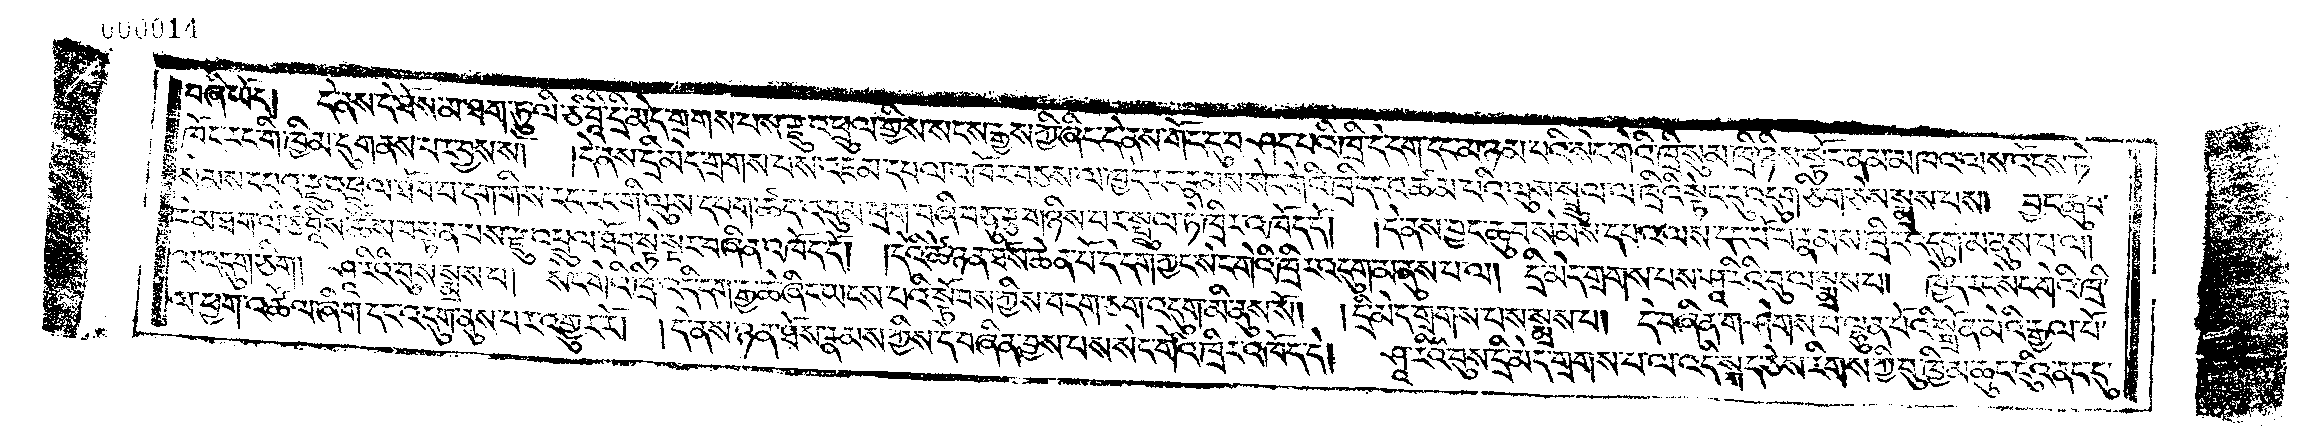བཞི་ཡོད། དེ་ནས་དེ་ཐོས་མ་ཐག་ཏུ་ལི་ཙ་བཱི་དྲི་མེད་གྲགས་པས་རྫུ་འཕྲུལ་གྱིས་སངས་རྒྱས་ཀྱི་ཞིང་དེ་ནས་གོང་དུ་བཤད་པའི་ཁྲི་དེ་དག་དང་མཉམ་པའི་སེང་གེའི་ཁྲི་སུམ་ཁྲི་ཉིས་སྟོང་ནམ་མཁའ་ལས་འོངས་ཏེ་
ཁོང་རང་གི་ཁྱིམ་དུ་གནས་པར་བྱས་སོ། །དེ་ནས་དྲི་མེད་གྲགས་པས་འཇམ་དཔལ་འཁོར་བཅས་ལ་ཁྱེད་རང་རྣམས་སེང་གེའི་ཁྲི་དང་འཚམ་པའི་ལུས་སྤྲུལ་ལ་ཁྲིའི་སྟེང་དུ་འདུག་ཅིག་ཅེས་སྨྲས་པས། བྱང་ཆུབ་
སེམས་དཔའ་རྫུ་འཕྲུལ་ཐོབ་པ་དག་གིས་རང་རང་གི་ལུས་དཔག་ཚད་འབུམ་ཕྲག་བཞི་བཅུ་རྩ་གཉིས་པར་སྤྲུལ་ཏེ་ཁྲིར་འཁོད་དོ། །དེ་ནས་བྱང་ཆུབ་སེམས་དཔའ་ལས་དང་པོ་པ་རྣམས་ཁྲིར་འདུག་མ་ནུས་པ་ལ།
དེ་མ་ཐག་ལི་ཙ་བཱིས་ཆོས་བསྟན་པས་རྫུ་འཕྲུལ་ཐོབ་སྟེ་སྔར་བཞིན་འཁོད་དོ། །དེའི་ཚེ་ཉན་ཐོས་ཆེན་པོ་དེ་དག་ཀྱང་སེང་གེའི་ཁྲིར་འདུག་མ་ནུས་པ་ལ། དྲི་མེད་གྲགས་པས་ཤཱ་རིའི་བུ་ལ་སྨྲས་པ། ཁྱེད་རང་སེང་གེའི་ཁྲི་
ལ་འདུག་ཅིག། ཤཱ་རིའི་བུས་སྨྲས་པ། སེང་གེའི་ཁྲི་འདི་དག་རྒྱ་ཆེ་ཞིང་ཡངས་པའི་སྟོབས་ཀྱིས་བདག་ཅག་འདུག་མི་ནུས་སོ། །དྲི་མེད་གྲགས་པས་སྨྲས་པ། དེ་བཞིན་གཤེགས་པ་ལྷུན་པོའི་སྒྲོན་མེའི་རྒྱལ་པོ་
ལ་ཕྱག་འཚོལ་ཞིག་དང་འདུག་ནུས་པར་འགྱུར་རོ། །དེ་ནས་ཉན་ཐོས་རྣམས་ཀྱིས་དེ་བཞིན་བྱས་པས་སེང་གེའི་ཁྲིར་འཁོད་དེ། ཤཱ་རིའི་བུས་དྲི་མེད་གྲགས་པ་ལ་འདི་སྐད་ཅེས་རིགས་ཀྱི་བུ་ཁྱིམ་ཆུང་དུའི་ནང་དུ་